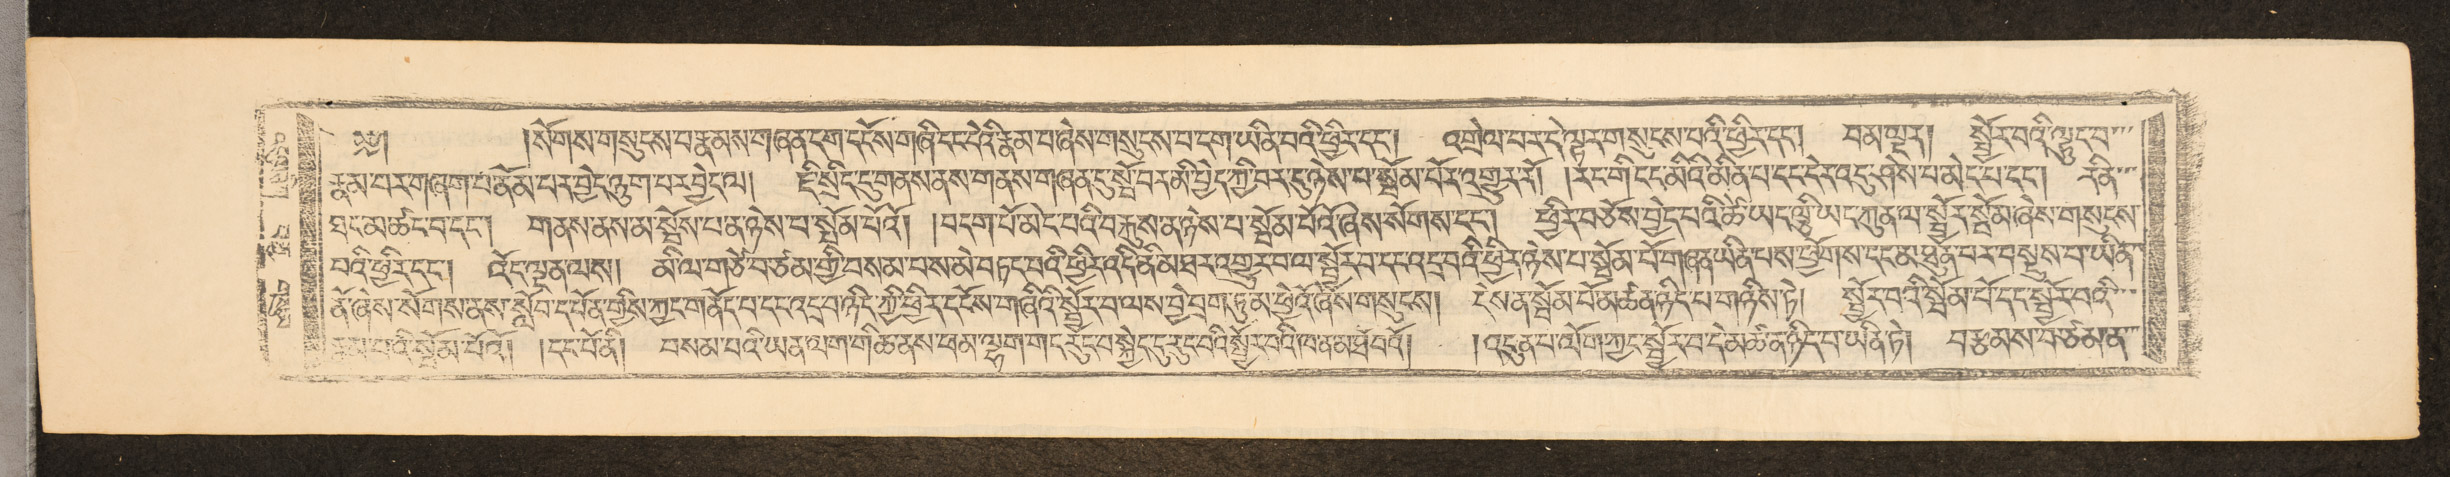༄༅། །སོགས་གསུངས་པ་རྣམས་གཞན་དག་དངོས་གཞི་དང་དེའི་རྣམ་པ་ཞེས་གསུངས་པ་དག་ཡིན་པའི་ཕྱིར་དང་། འགྲེལ་པར་དེ་ལྟར་གསུངས་པའི་ཕྱིར་དང་། བམ་ལྔར། སྦྱོར་བའི་ལྟུང་བ་
རྣམ་པར་གཞག་པ་ནོམ་པར་བྱེད་ཉུག་པར་བྱེད་ལ། ཇི་སྲིད་དུ་གནས་ནས་གནས་གཞན་དུ་སྦོ་བར་མི་བྱེད་ཀྱི་བར་དུ་ཉེས་པ་སྦོམ་པོར་འགྱུར་རོ། །རང་གི་དང་མིའི་མིན་པ་དང་དེར་འདུ་ཤེས་པ་མེད་པ་དང་། རིན་
ཐང་མ་ཚང་བ་དང་། གནས་ནས་མ་སྦོས་པ་ན་ཉེས་པ་སྦོམ་པོའོ། །བདག་པོ་མེད་པའི་བརྐུས་ན་ཉེས་པ་སྦོམ་པོའོ་ཞེས་སོགས་དང་། ཕྱིར་བཅོས་བྱེད་པའི་ཚེ་ཡང་ལྕི་ཡང་ཀུན་ལ་སྦྱོར་སྦོམ་ཞེས་གསུངས་
པའི་ཕྱིར་དང་། འོད་ལྡན་ལས། མི་ལ་གཙེ་བ་ཙམ་གྱི་བསམ་པས་མེ་བཏང་བའི་ཕྱིར་འདི་ནི་མཐར་འགྱུར་བ་ལ་སྦྱོར་བ་དང་འདྲ་བའི་ཕྱིར་ཉེས་པ་སྦོམ་པོ་གཞན་ཡིན་པས་ཕྱོགས་དང་མཐུན་པར་བསྡུས་པ་ཡིན་
ནོ་ཞེས་སོགས་ནས་སློབ་དཔོན་གྱིས་ཀྱང་གནོད་པ་དང་འདྲ་བ་ཉིད་ཀྱི་ཕྱིར་དངོས་གཞིའི་སྦྱོར་བ་ལས་བྱེ་བྲག་ཏུ་མ་ཕྱེའོ་ཞེས་གསུངས། དེས་ན་སྦོམ་པོ་མཚན་ཉིད་པ་གཉིས་ཏེ། སྦྱོར་བའི་སྦོམ་པོ་དང་སྦྱོར་བའི་
རྣམ་པའི་སྦོམ་པོའོ། །དང་པོ་ནི། བསམ་པའི་ཡན་ལག་གི་ཆ་ནས་ཕམ་ལྷག་གང་རུང་བསྐྱེད་དུ་རུང་བའི་སྦྱོར་བའི་ཁ་ན་མ་ཐོ་བའོ། །འདུན་པ་ལོག་ཀྱང་སྦྱོར་བ་དེ་མཚན་ཉིད་པ་ཡིན་ཏེ། བརྩམས་པ་ཙམ་ན་